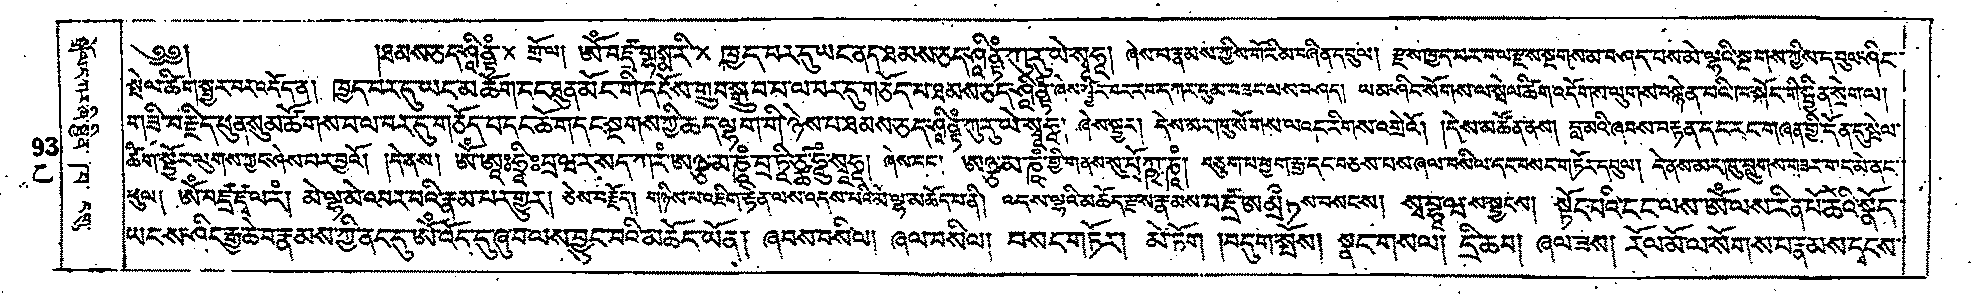༄༅། །ཐམས་ཅད་ཤཱིནྟཾ་྾་གྲོ་ལ།  ཨོཾ་བཛྲ་གྷས་མ་རི་྾་ཁྱད་པར་དུ་ཡང་ནད་ཐམས་ཅད་ཤཱིནྟཾ་ཀུ་རུ་ཡེ་སྭཱཧཱ། ཞེས་པ་རྣམས་ཀྱིས་གོ་རིམ་བཞིན་དབུལ། རྫས་ཁྱད་པར་བ་ལ་རྫས་སྔགས་མ་བཤད་པས་མེ་ལྷའི་སྔགས་ཀྱིས་དབུལ་ཤིང་་་
སྤེལ་ཚིག་སྦྱར་བར་འདོད་ན། ཁྱད་པར་དུ་ཡང་མཆོག་དང་ཐུན་མོང་གི་དངོས་གྲུབ་སྒྲུབ་པ་ལ་བར་དུ་གཅོད་པ་ཐམས་ཅད་ཤཱིནྟཾ་ཞེས་སྦྱོར་བར་རབ་དཀར་བུམ་བཟང་ལས་བཤད། ཡམ་ཤིང་སོགས་ལ་སྤེལ་ཚིག་འདོགས་ལུགས་བསྙེན་པའི་ཁ་སྐོང་གི་སྦྱིན་སྲེག་ལ།
གཟི་བརྗེད་ཕུན་སུམ་ཚོགས་པ་ལ་བར་དུ་གཅོད་པ་དང་ཆོ་ག་དང་སྔགས་ཀྱི་ཆད་ལྷག་གི་ཉེས་པ་ཐམས་ཅས་ཤཱིནྟཾ་ཀུ་རུ་ཡེ་སྭཱཧཱ། ཞེས་སྦྱར། དེས་མར་ཁུ་སོགས་ལའང་རིག་འགྲེའོ། །དེས་མཚོན་པས། བླ་མའི་ཞབས་བརྟེན་དན་རང་གཞན་གྱི་དོན་དུ་སྤེལ་
ཚིག་སྦྱོར་ལུགས་ཀྱང་ཤེས་པར་ཡའོ། །དེ་ནས་ཨོཾ་ཨཱཿཧྲཱིཿཔྲ་ཝ་ར་སད་ཀ་རཾ་ཨཉྩ་མ་ཎཱཾ་པྲ་ཏཱ་ཙྪ་ཧཱུཾ་སྭཱཧཱ། ཞེས་དང་ཨཉྩ་མ་ཎཱཾ་གྱི་གནས་སུ་པྲོ་ཀྵ་ཎཱཾ། བཅུག་པ་ཕྱག་རྒྱ་དང་བཅས་པས་ཞལ་བསིལ་དང་བང་གཏོར་དབུལ། དེ་ནས་མར་ཁུ་བླུགས་གཟར་གང་མེ་ནང་་་
ཕུལ། ཨོཾ་བཛྲ་ཛྭ་ལ་རཾ། མེ་ལྷ་མེ་འབར་བའི་རྣམ་པར་གྱུར། ཅེས་བརྗོད། གཉིས་པ་འཇིག་རྟེན་ལས་འདས་པའི་མེ་ལྷ་མཆོད་པ་ནི། འདས་ལྷའི་མཆོད་རྫས་རྣམས་བཛྲ་ཨམྲྀཚ་བསངས། སྭ་བྷཱ་ལྭས་སྦྱངས། སྟོང་པའི་ངང་ལས་ཨོཾ་ལས་རིན་པོ་ཆེའི་སྣོད་་་
ཡངས་ཤིང་རྒྱ་ཆེ་བ་རྣམས་ཀྱི་ནང་དུ་ཨོཾ་འོད་དུ་ཞུ་བ་ལས་བྱུང་བའི་མཆོད་ཡོན། ཞབས་བསིལ། ཞལ་བསིལ། བསང་གཏོར། མེ་ཏོག །བདུག་སྤོས། སྣང་གསལ། དྲི་ཆབ། ཞལ་ཟས། རོལ་མོ་ལ་སོགས་པ་རྣམས་དྭངས་